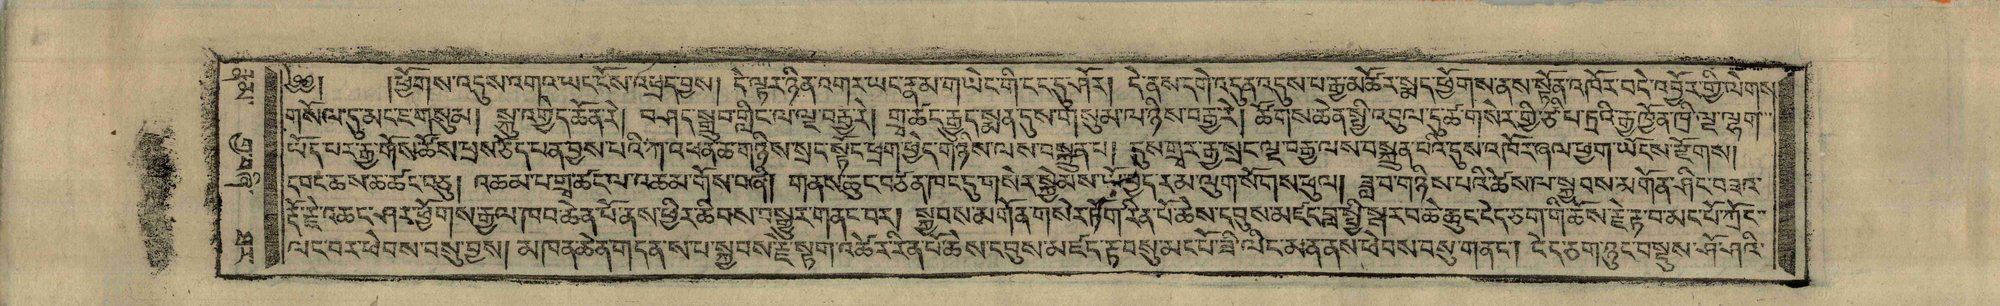༄༅། །ཕྱོགས་འདུས་འགའ་ཡང་ངོས་འཕྲད་བྱས། དེ་ལྟར་ཉིན་འགར་ཡང་རྣམ་གཡེང་གི་ངང་དུ་ཤོར། དེ་ནས་དགེ་འདུན་འདུས་པ་རྒྱ་མཚོར་སྨད་ཕྱོགས་ནས་སྟོན་འཁོར་བདེ་འབྱོར་གྱི་ལེགས་
གསོལ་དུ་མང་ཇ་གསུམ། སྐུ་འགྱེད་ཆོན་རེ། བཤད་སྒྲུབ་གླིང་ལ་ལྔ་བརྒྱ་རེ། གྲྭ་ཚང་རྒྱུད་སྨན་དུས་གསུམ་ལ་ཉིས་བརྒྱ་རེ། ཚོགས་ཆེན་སྤྱི་འབུལ་དུ་ཚ་གསེར་གྱི་ཙི་པ་ཏྲའི་རྒྱ་ཁྱོན་ཁྲི་ལྔ་ལྷག་
ཡོད་པར་རྒྱ་གོས་ཚོས་པྲས་ཅོད་པན་བྱས་པའི་ཀ་འཕན་ཆ་གཉིས་སྲང་སྟོང་ཕྲག་ཕྱེད་གཉིས་ལས་བསྐྲུན་པ། དུས་གྲྭར་རྒྱ་སྲང་ལྔ་བརྒྱ་ལས་བསྐྲུན་པའི་དུས་འཁོར་ཞལ་ཕྱག་ཡོངས་རྫོགས།
དབང་ཆས་ཆ་ཚང་བཅུ། འཆམ་པ་གྲྭ་ཚང་ལ་འཆམ་གོས་བཞི། གནས་ཆུང་བཙན་ཁང་དུ་གསེར་སྐྱེམས་ཡོ་བྱད་ར་མ་ལུག་སོགས་ཕུལ། ཟླ་བ་གཉིས་པའི་ཚེས་ལ་སྐྱབས་མགོན་ཤིང་བཟའ་
རྡོ་རྗེ་འཆང་ཤར་ཕྱོགས་རྒྱལ་ཁབ་ཆེན་པོ་ནས་ཕྱིར་ཆིབས་བསྒྱུར་གནང་བར། སྐྱབས་མགོན་གསེར་ཏོག་རིན་པོ་ཆེས་དབུས་མཛད་བླ་སྤྱི་སྒར་བ་ཆེ་ཆུང་ངེད་ཅག་གི་ཆོས་རྗེ་རྟ་བ་མང་པོ་ཀྲོང་
ལང་བར་ཕེབས་བསུ་བྱས། མཁན་ཆེན་གདན་ས་པ་སྐྱབས་རྗེ་སྟག་འཚེར་རིན་པོ་ཆེས་དབུས་མཛད་རྟ་བསུ་མང་པོ་ཟི་ལིང་མན་ནས་ཕེབས་བསུ་གནང་། ངེད་ཅག་ཉུང་བསྡུས་ཤོ་ཤའི་